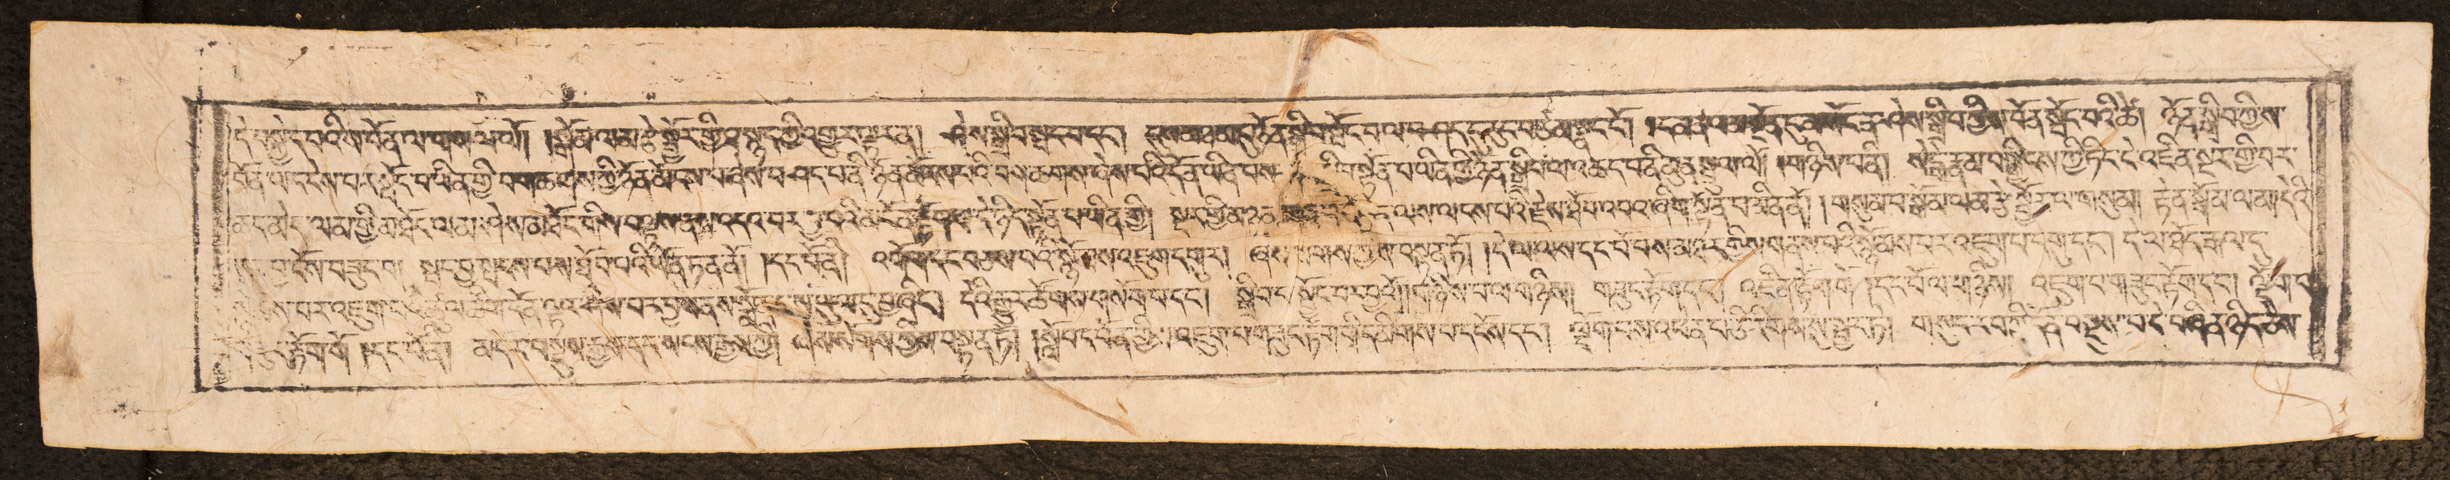དེ་བསྐྱེད་པའི་ས་བོན་ལ་གསལ་ལོ། །སྒོམ་ལམ་རྩེ་སྦྱོར་གྱི་ཐ་སྙད་ཀྱི་འགྱུར་ལྟར་ན། ཤེས་སྒྲིབ་སྤང་བ་དང་། དུས་མཉམ་དུ་ཉོན་སྒྲིབ་སྤོང་བ་ལ་བཤད་དུ་རུང་བ་ཙམ་སྣང་ངོ། །དམན་ལམ་སྔོན་དུ་མ་སོང་ན་ཤེས་སྒྲིབ་ཀྱི་ས་བོན་སྤོང་བའི་ཚེ། ཉོན་སྒྲིབ་ཀྱི་ས་
བོན་ཡང་ངེས་པར་སྤོང་བ་ཡིན་གྱི་བག་ཆགས་ཀྱི་ཉོན་མོངས་པ་ཞེས་བཤད་པ་ནི་ཉོན་མོངས་པའི་བག་ཆགས་ཞེས་པའི་དོན་ཡིན་པས་ཤེས་སྒྲིབ་སྟོན་པ་ཡིན་གྱི་ཉོན་སྒྲིབ་ལ་འཆད་པ་ནི་མུན་སྤྲུལ་ལོ། །གཉིས་པ་ནི། སེངྒེ་རྣམ་བསྒྱིངས་ཀྱི་ཏིང་ངེ་འཛིན་སྔར་གྱི་བར་
ཆད་མེད་ལམ་གྱི་མཐོང་ལམ་ཤེས་མཐོང་གིས་བལྟས་ནས་འདའ་བར་བྱ་བའི་མངོན་རྟོགས་དེ་ཉིད་སྟོན་པ་ཡིན་གྱི། སྔར་གྱི་མཉམ་གཞག་དེ་ཉིད་ལས་ལངས་པའི་རྗེས་ཐོབ་འབའ་ཞིག་སྟོན་པ་མིན་ནོ། །གསུམ་པ་སྒོམ་ལམ་རྩེ་སྦྱོར་ལ་གསུམ། རྟེན་སྒོམ་ལམ། དེའི་
སྤང་བྱ་ངོས་བཟུང་བ། སྤང་བྱ་སྤངས་པས་ཐོབ་པའི་ཡོན་ཏན་ནོ། །དང་པོ་ནི། འགོག་དང་བཅས་པའི་སྙོམས་འཇུག་དགུར། ཞེས་སོགས་ཀྱིས་བསྟན་ཏོ། །དེ་ལ་ལས་དང་པོ་པས་མཐར་གྱིས་གནས་པའི་སྙོམས་པར་འཇུག་པ་དགུ་དང་། དེ་ལ་ཐོད་རྒལ་དུ་
སྙོམས་པར་འཇུག་པའི་ཚུལ་ཚིག་དོན་ལྟར་ཤེས་པར་བྱས་ནས་སྨོན་པས་ཡུལ་དུ་བྱ་ཞིང་། དེའི་རྒྱུར་ཚོགས་གསོག་པ་དང་། སྒྲིབ་པ་སྤྱོད་བར་བྱའོ། །གཉིས་པ་ལ་གཉིས། གཟུང་རྟོག་དང་། འཛིན་རྟོག་གོ །དང་པོ་ལ་གཉིས། འཇུག་པ་གཟུང་རྟོག་དང་། ལྡོག་པ་
གཟུང་རྟོག་གོ །དང་པོ་ནི། མདོར་བསྡུས་རྒྱས་དང་སངས་རྒྱས་ཀྱི། ཞེས་སོགས་ཀྱིས་བསྟན་ཏོ། །སློབ་དཔོན་གྱིས་འཇུག་པ་གཟུང་རྟོག་གི་དམིགས་པ་དངོས་དང་། ལྡོག་པས་འཕེན་པ་ཅི་རིགས་སུ་སྦྱར་ཏེ། གསུང་རབ་ཀྱི་དོན་བསྡུས་པ་དེ་བཞིན་ཉིད་ཅེས་